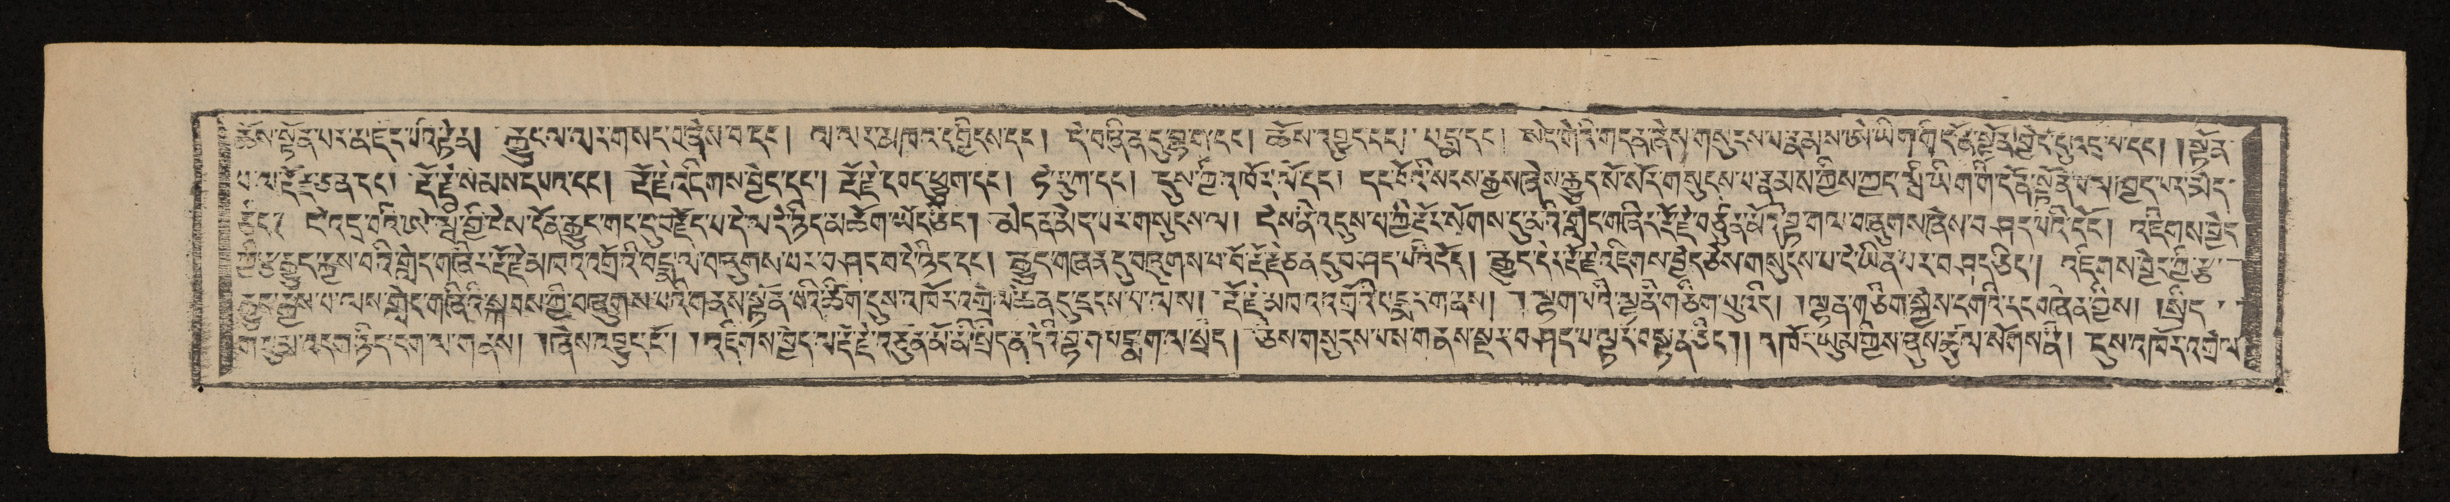ཆོས་སྟོན་པར་མཛད་པའི་རྟེན། རྒྱུད་ལ་ལར་གསང་བ་ཞེས་པ་དང་། ལ་ལར་མཁའ་དབྱིངས་དང་། དེ་བཞིན་དུ་བྷ་ག་དང་། ཆོས་འབྱུང་དང་། པདམ་དང་། སེང་གེའི་གདན་ཞེས་གསུངས་པ་རྣམས་ཨེ་ཡིག་གི་དོན་སྟོན་བྱེད་དུ་འདྲ་བ་དང་། སྟོན་
བ་ལ་རྡོ་རྗེ་ཅན་དང་། རྡོ་རྗེ་སེམས་དཔའ་དང་། རྡོ་རྗེ་འཇིགས་བྱེད་དང་། རྡོ་རྗེ་དབང་ཕྱུག་དང་། ཧེ་རུ་ཀ་དང་། དུས་ཀྱི་འཁོར་ལོ་དང་། དང་པོའི་སངས་རྒྱས་ཞེས་རྒྱུད་སོ་སོར་གསུངས་པ་རྣམས་ཀྱིས་ཀྱང་ཝཾ་ཡིག་གི་དོན་སྟོན་པ་ལ་ཁྱད་པར་མེད་
ཅིང༑ དེ་འདྲ་བའི་ཨེ་ཝཾ་གྱི་ངེས་དོན་རྒྱུད་གང་དུ་བརྗོད་པ་དེ་ལ་དེ་ཉིད་མཆོག་ཡོད་ཅིང་། མེད་ན་མེད་པར་གསུངས་ལ། དེས་ནི་འདུས་པ་ཀྱཻ་རྡོར་སོགས་དུ་མའི་གླེང་གཞིར་རྡོ་རྗེ་བཙུན་མོའི་བྷ་ག་ལ་བཞུགས་ཞེས་བཤད་པའི་དོད། འཇིགས་བྱེད་
ཀྱི་རྩ་རྒྱུད་རྒྱས་པའི་གླེང་གཞིར་རྡོ་རྗེ་མཁའ་འགྲོའི་པདམ་ལ་བཞུགས་པར་བཤད་པ་དེ་ཉིད་དང་། རྒྱུད་གཞན་དུ་བཞུགས་པ་པོ་རྡོ་རྗེ་ཅན་དུ་བཤད་པའི་དོད། རྒྱུད་དེར་རྡོ་རྗེ་འཇིགས་བྱེད་ཅེས་གསུངས་པ་དེ་ཡིན་པར་བཤད་ཅིང་། འཇིགས་བྱེད་ཀྱི་རྩ་
རྒྱུད་རྒྱས་པ་ལས་གླེང་གཞིའི་སྐབས་ཀྱི་བཞུགས་པའི་གནས་སྟོན་པའི་ཚིག་དུས་འཁོར་འགྲེལ་ཆེན་དུ་དྲངས་པ་ལས། རྡོ་རྗེ་མཁའ་འགྲོའི་པདམར་གནས། །ལྷག་པའི་ལྷ་ནི་གཅིག་པུ་འདི། །ལྷན་གཅིག་སྐྱེས་དགའི་རང་བཞིན་གྱིས། །སྲིད་
གསུམ་བདག་ཉིད་དག་ལ་གནས། །ཞེས་འབྱུང་ངོ། །འཇིགས་བྱེད་ལ་རྡོ་རྗེ་བཙུན་མོ་མི་སྲིད་ན་དེའི་བྷ་ག་པདམ་ག་ལ་སྲིད། ཅེས་གསུངས་པས་གནས་སྔར་བཤད་པ་ལྟར་བསྟན་ཅིང་། འཁོར་ཡུམ་གྱིས་ཞུས་ཚུལ་སོགས་ནི། དུས་འཁོར་འགྲེལ་